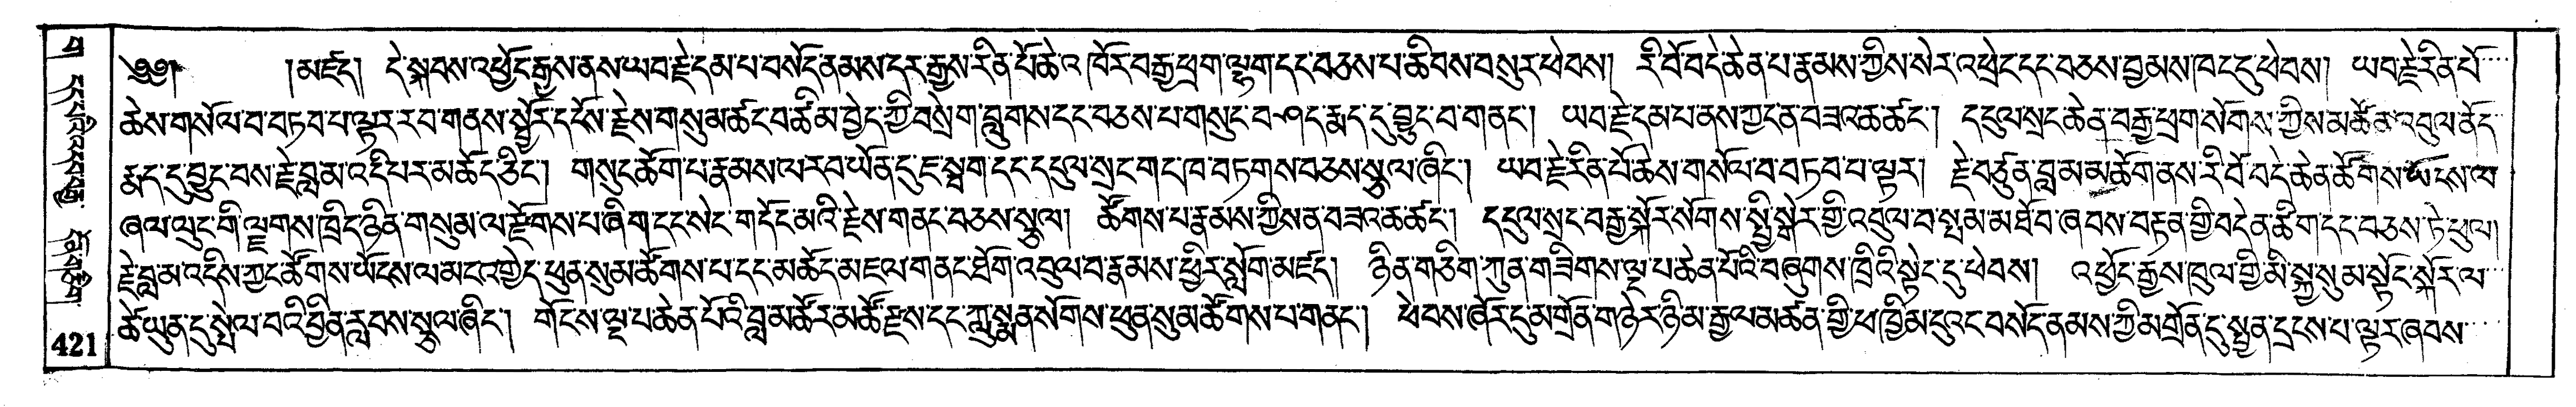༄༅། །མཛད། དེ་སྐབས་འཕྱོད་རྒྱས་ནས་ཡབ་རྗེ་དམ་པ་བསོད་ནམས་དར་རྒྱས་རིན་པོ་ཆེ་འཁོར་བརྒྱ་ཕྲག་ལྷག་དང་བཅས་པ་ཆིབས་བསུར་ཕེབས། རི་བོ་བདེ་ཆེན་པ་རྣམས་ཀྱིས་སེར་འཕྲེང་དང་བཅས་བྱམས་ཁང་དུ་ཕེབས། ཡབ་རྗེ་རིན་པོ་
ཆེས་གསོལ་བ་བཏབ་པ་ལྟར་རབ་གནས་སྦྱོར་དངོས་རྗེས་གསུམ་ཚང་བ་ཚིམ་བྱེད་ཀྱི་བསྲེག་བླུགས་དང་བཅས་པ་གསུང་བཤད་རྨད་དུ་བྱུང་བ་གནང་། ཡབ་རྗེ་དམ་པ་ནས་ཀྱང་ན་བཟའ་ཆ་ཚད། དབུལ་སྲང་ཆེན་བརྒྱ་ཕྲག་སོགས་ཀྱིས་མཚོན་འབུལ་ནོད་
རྨད་དུ་བྱུང་བས་རྗེ་བླ་མ་འདི་བར་མཆོད་ཅིང་། གསུང་ཆོག་པ་རྣམས་ལ་རབ་ཡོན་དུ་ཇ་སྦག་དང་དངུལ་སྲང་གང་ཁ་བཏགས་བཅས་སྩལ་ཞིང་། ཡབ་རྗེ་རིན་པོ་ཆེས་གསོལ་བ་བཏབ་པ་ལྟར། རྗེ་བཙུན་བླ་མ་མཆོག་ནས་རི་བོ་བདེ་ཆེན་ཚོགས་ཡོངས་ལ་
ཞལ་ལུང་གི་ལྗགས་ཁྲིད་ཉིན་གསུམ་ལ་རྫོགས་པ་ཞིག་དང་སེང་གདོང་མའི་རྗེས་གནང་བཅས་སྩལ། ཚོགས་པ་རྣམས་ཀྱིས་ན་བཟའ་ཆ་ཚང་། དངུལ་སྲང་བརྒྱ་སྐོར་སོགས་སྤྱི་སྒེར་གྱི་འབུལ་བ་སྤམ་མཐོ་བ་ཞབས་བརྟན་གྱི་བདེན་ཚིག་དང་བཅས་ཏེ་ཕུལ་
རྗེ་བླ་མ་འདིས་ཀྱང་ཚོགས་ཡོངས་ལ་མང་འགྱེད་ཕུན་སུམ་ཚོགས་པ་དང་མཆོད་མཇལ་གནང་ཐོག་འབུལ་བ་རྣམས་ཕྱིར་སློག་མཛད། ཉིན་གཅིག་ཀུན་གཟིགས་ལྔ་པ་ཆེན་པོའི་བཞུགས་ཁྲིའི་སྟེང་དུ་ཕེབས། འཕྱོང་རྒྱས་ཁུལ་གྱི་མི་སྐྱ་སུམ་སྟོང་སྐོར་ལ་
ཚེ་ཡུན་དུ་སྤེལ་བའི་བྱིན་རླབས་སྩལ་ཞིང་། གོང་ས་ལྔ་པ་ཆེན་པོའི་བླ་མཆོར་མཚོ་རྫས་དང་ཀླུ་སྨན་སོགས་ཕུན་སུམ་ཚོགས་པ་གནང་། ཕེབས་ཞོར་དུ་མགྲོན་གཉེར་ཉི་མ་རྒྱལ་མཚན་གྱི་ཕ་ཁྱིམ་དུའང་བསོད་ནམས་ཀྱི་མགྲོན་དུ་སྦྱན་དྲངས་པ་ལྟར་ཞབས་